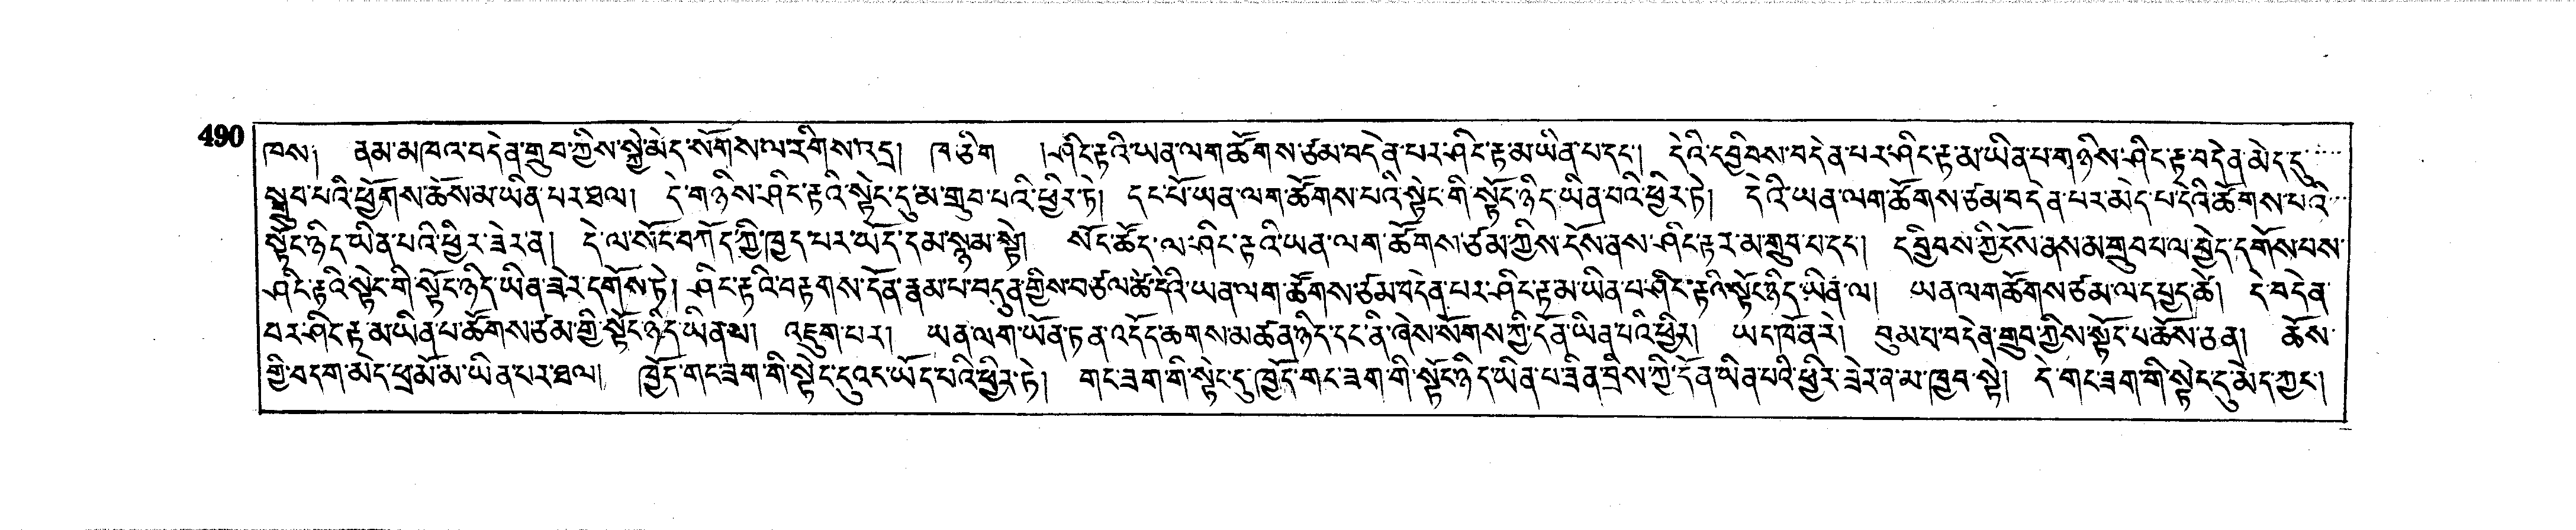ཁས། ནམ་མཁའ་བདེན་གྲུབ་ཀྱིས་སྐྱེ་མེད་སོགས་ལ་རིགས་འདྲ། ཁ་ཅིག །ཤིང་རྟའི་ཡན་ལག་ཚོགས་ཙམ་བདེན་པར་ཤིང་རྟ་མ་ཡིན་པ་དང་། དེའི་དབྱིབས་བདེན་པར་ཤིང་རྟ་མ་ཡིན་པ་གཉིས་ཤིང་རྟ་བདེན་མེད་དུ་
སྒྲུབ་པའི་ཕྱོགས་ཆོས་མ་ཡིན་པར་ཐལ། དེ་གཉིས་ཤིང་རྟའི་སྟེང་དུ་མ་གྲུབ་པའི་ཕྱིར་ཏེ། དང་པོ་ཡན་ལག་ཚོགས་པའི་སྟེང་གི་སྟོང་ཉིད་ཡིན་པའི་ཕྱིར་ཏེ། དེའི་ཡན་ལག་ཚོགས་ཙམ་བདེན་པར་མེད་པ་དེའི་ཚོགས་པའི་
སྟོང་ཉིད་ཡིན་པའི་ཕྱིར་ཟེར་ན། དེ་ལ་སོང་བཀོད་ཀྱི་ཁྱད་པར་ཡོད་དམ་སྙམ་སྟེ། སོང་ཚོད་ལ་ཤིང་རྟའི་ཡན་ལག་ཚོགས་ཙམ་ཀྱིས་ངོས་ནས་ཤིང་རྟར་མ་གྲུབ་པ་དང་། དབྱིབས་ཀྱི་ངོས་ནས་མ་གྲུབ་པ་ལ་བྱེད་དགོས་པས་
ཤིང་རྟའི་སྟེང་གི་སྟོང་ཉིད་ཡིན་ཟེར་དགོས་ཏེ། ཤིང་རྟའི་བརྟགས་དོན་རྣམ་པ་བདུན་གྱིས་བཙལ་ཚེ་དེའི་ཡན་ལག་ཚོགས་ཙམ་བདེན་པར་ཤིང་རྟ་མ་ཡིན་པ་ཤིང་རྟའི་སྟོང་ཉིད་ཡིན་ལ། ཡན་ལག་ཚོགས་ཙམ་ལ་དཔྱད་ཚེ། དེ་བདེན་
པར་ཤིང་རྟ་མ་ཡིན་པ་ཚོགས་ཙམ་གྱི་སྟོང་ཉིད་ཡིན་པ། འཇུག་པར། ཡན་ལག་ཡོན་ཏན་འདོད་ཆགས་མཚན་ཉིད་དང་ནི་ཞེས་སོགས་ཀྱི་དོན་ཡིན་པའི་ཕྱིར། ཡང་ཁོ་ན་རེ། བུམ་པ་བདེན་གྲུབ་ཀྱིས་སྟོང་པ་ཆོས་ཅན། ཆོས་
གྱི་བདག་མེད་ཕྲ་མོ་མ་ཡིན་པར་ཐལ། ཁྱོད་གང་ཟག་གི་སྟེང་དུའང་ཡོད་པའི་ཕྱིར་ཏེ། གང་ཟག་གི་སྟེང་དུ་ཁྱོད་གང་ཟག་གི་སྟོང་ཉིད་ཡིན་པ་ཟིན་བྲིས་ཀྱི་དོན་ཡིན་པའི་ཕྱིར་ཟེར་ན་མ་མ་ཁྱབ་སྟེ། དེ་གང་ཟག་གི་སྟེང་དུ་མེད་ཀྱང་།